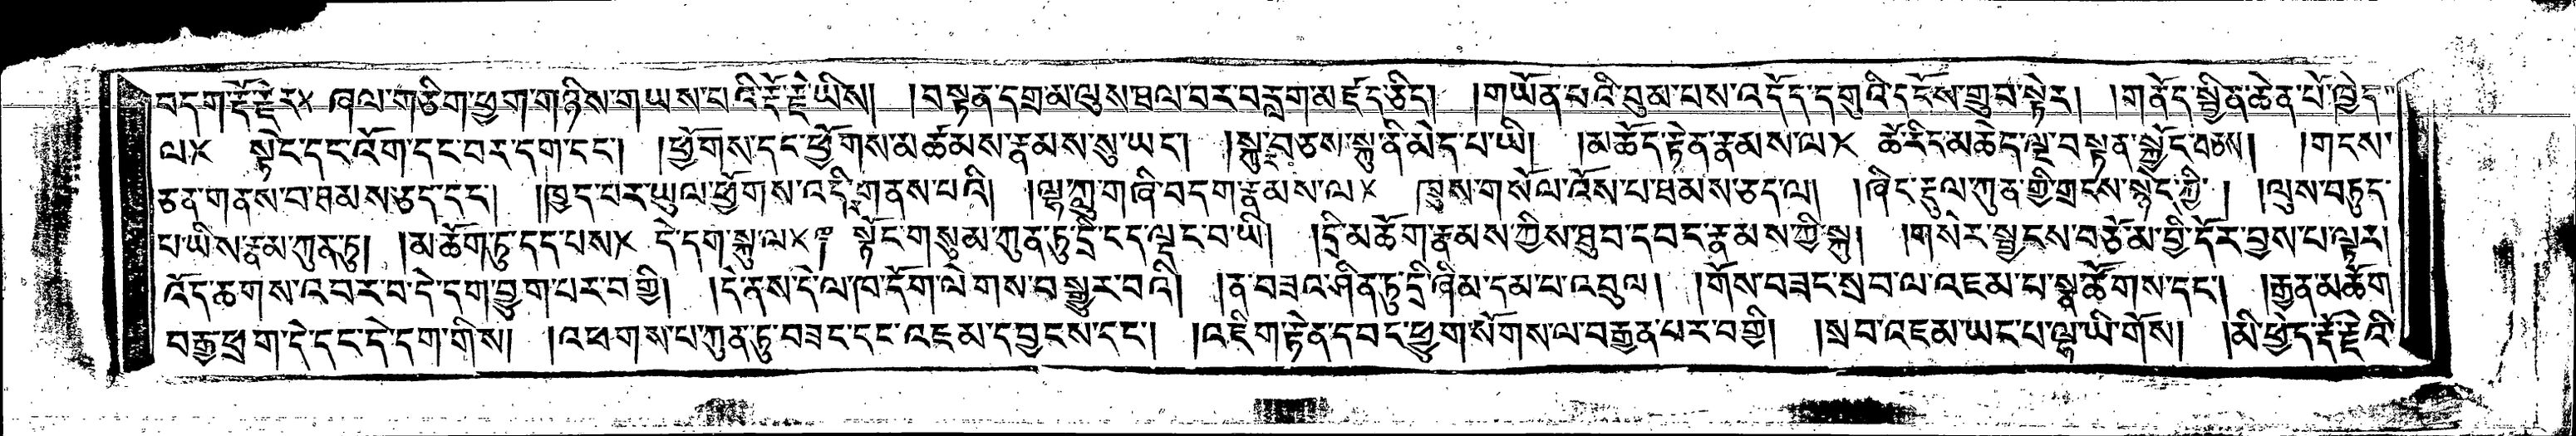བདག་རྡོ་རྗེར་{྾}་ཞལ་གཅིག་ཕྱག་གཉིས་གཡས་པའི་རྡོ་རྗེ་ཡིས། །བསྟན་དགྲ་མ་ལུས་ཐལ་བར་བརླག་མཛད་ཅིང་། །གཡོན་པའི་བུམ་པས་འདོད་དགུའི་དངོས་གྲུབ་སྟེར། །གནོད་སྦྱིན་ཆེན་པོ་ཁྱེད་
ལ་{྾}་སྟེང་དང་འོག་དང་བར་དག་དང་། །ཕྱོགས་དང་ཕྱོགས་མཚམས་རྣམས་སུ་ཡང་། །སྐུར་བཅས་སྐུ་ནི་མེད་པ་ཡི། །མཆོད་རྟེན་རྣམས་ལ་{྾}་ཚེ་རིང་མཆེད་ལྔ་བསྟན་སྐྱོང་བཅས། །གངས་
ཅན་གནས་པ་ཐམས་ཅད་དང་། །ཁྱད་པར་ཡུལ་ཕྱོགས་འདིར་གནས་པའི། །ལྷ་ཀླུ་གཞི་བདག་རྣམས་ལ་{྾}་ཁྲུས་གསོལ་འོས་པ་ཐམས་ཅད་ལ། །ཞིང་རྡུལ་ཀུན་གྱི་གྲངས་སྙེད་ཀྱི། །ལུས་བཏུད་
པ་ཡིས་རྣམ་ཀུན་ཏུ། །མཆོག་ཏུ་དད་པས་{྾}་དེ་དག་སྐུ་ལ་{྾}་༈ སྟོང་གསུམ་ཀུན་ཏུ་དྲི་ངད་ལྡང་བ་ཡི། །དྲི་མཆོག་རྣམས་ཀྱིས་ཐུབ་དབང་རྣམས་ཀྱི་སྐུ། །གསེར་སྦྱངས་བཅོ་མ་བྱི་དོར་བྱས་པ་ལྟར།
འོད་ཆགས་འབར་བ་དེ་དག་བྱུག་པར་བགྱི། །དེ་ནས་དེ་ལ་ཁ་དོག་ལེགས་བསྒྱུར་བའི། །ན་བཟའ་ཤིན་ཏུ་དྲི་ཞིམ་དམ་པ་འབུལ། །གོས་བཟང་སྲབ་ལ་འཇམ་པ་སྣ་ཚོགས་དང་། །རྒྱན་མཆོག་
བརྒྱ་ཕྲག་དེ་དང་དེ་དག་གིས། །འཕགས་པ་ཀུན་ཏུ་བཟང་དང་འཇམ་དབྱངས་དང་། །འཇིག་རྟེན་དབང་ཕྱུག་སོགས་ལ་བརྒྱན་པར་བགྱི། །སྲབ་འཇམ་ཡང་པ་ལྷ་ཡི་གོས། །མི་ཕྱེད་རྡོ་རྗེའི་